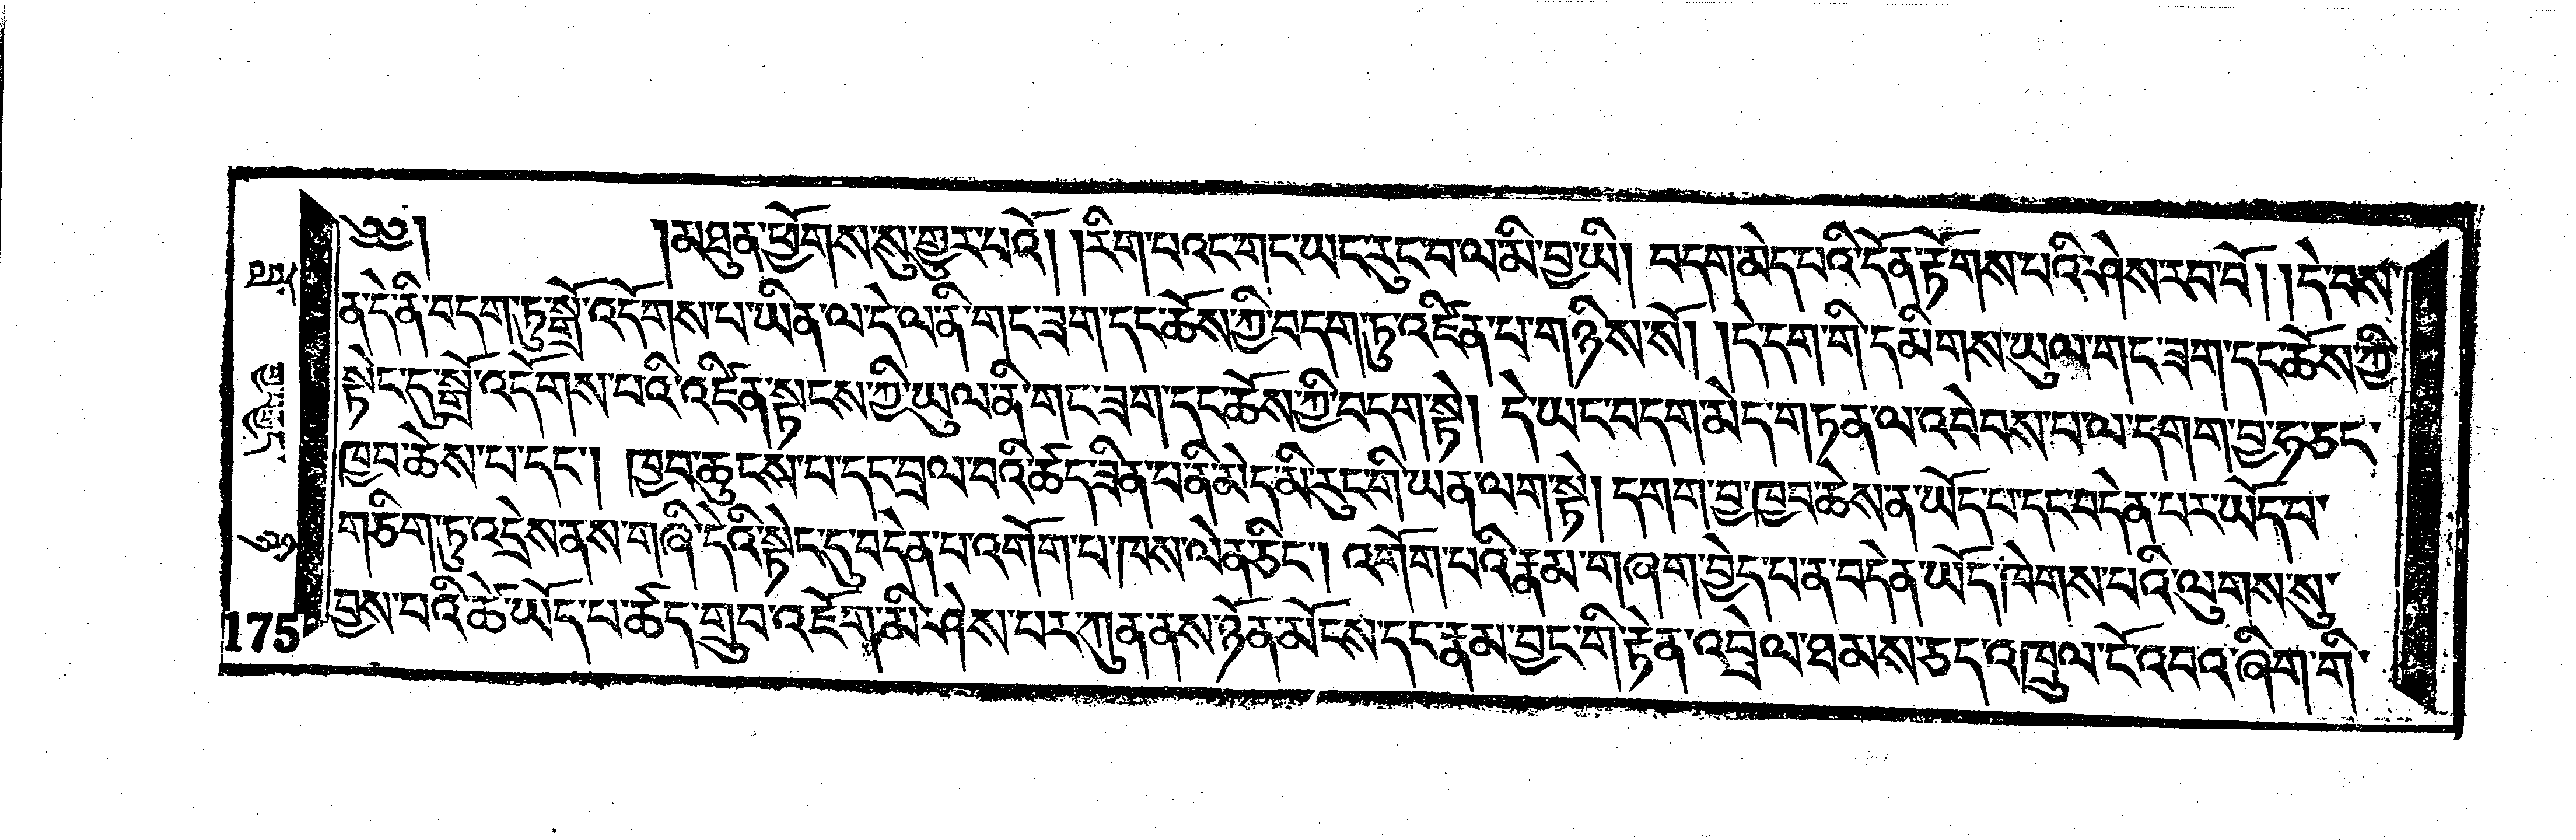༄༅། །མཐུན་ཕྱོགས་སུ་གྱུར་པའོ། །རིག་པའང་གང་ཡང་རུང་བ་ལ་མི་བྱ་ཡི། བདག་མེད་པའི་དོན་རྟོགས་པའི་ཤེས་རབ་བོ། །དེ་བས་
ན་དེ་ནི་བདག་ཏུ་སྒྲོ་འདོགས་པ་ཡིན་ལ་དེ་ལ་ནི་གང་ཟག་དང་ཆོས་ཀྱི་བདག་ཏུ་འཛིན་པ་གཉིས་སོ། །དེ་དག་གི་དམིགས་ཡུལ་གང་ཟག་དང་ཆོས་ཀྱི་
སྟེང་དུ་སྒྲོ་འདོགས་པའི་འཛིན་སྟངས་ཀྱི་ཡུལ་ནི་གང་ཟག་དང་ཆོས་ཀྱི་བདག་སྟེ། དེ་ཡང་བདག་མེད་གཏན་ལ་འབེབས་པ་ལ་དགག་བྱ་ཧ་ཅང་
ཁྱབ་ཆེས་པ་དང་། ཁྱབ་ཆུངས་པ་དང་བྲལ་བའི་ཚད་ཟིན་པ་ནི་མེད་མི་རུང་གི་ཡན་ལག་སྟེ། དགག་བྱ་ཁྱབ་ཆེས་ན་ཡོད་པ་དང་བདེན་པར་ཡོད་པ་
གཅིག་ཏུ་འདྲེས་ནས་གཞི་དེའི་སྟེང་དུ་བདེན་པ་འགོག་པ་ཁས་ལེན་ཅིང་། འགོག་པའི་རྣམ་གཞག་བྱེད་པ་ན་བདེན་ཡོད་ཁེགས་པའི་ལུགས་སུ་
བྱས་པའི་ཚེ་ཡོད་པ་ཚད་གྲུབ་འཇོག་མི་ཤེས་པར་ཀུན་ནས་ཉོན་མོངས་དང་རྣམ་བྱང་གི་རྟེན་འབྲེལ་ཐམས་ཅད་འཁྲུལ་ངོ་འབའ་ཞིག་གི་